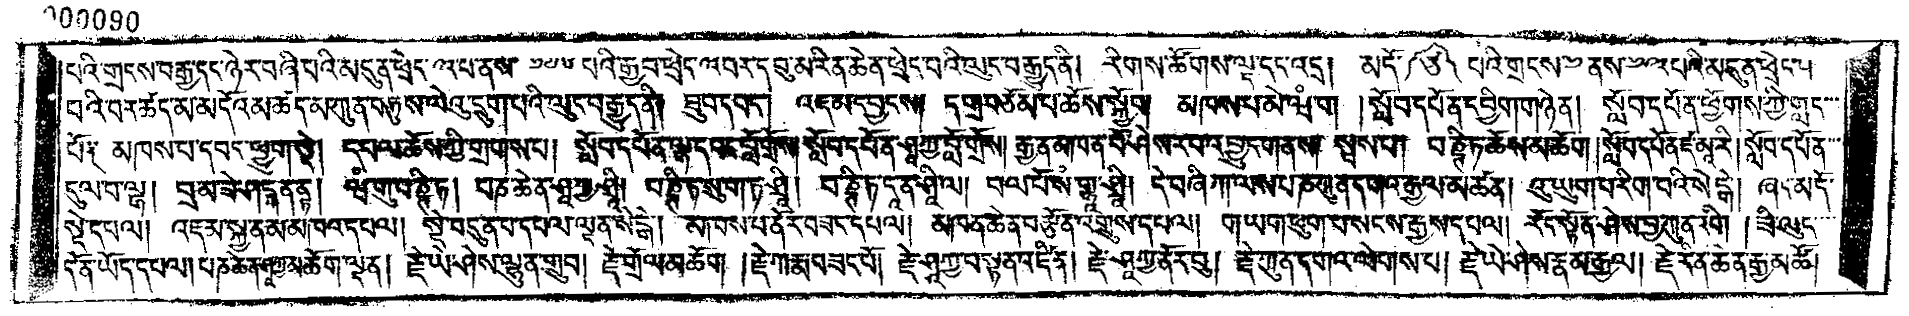པའི་གྲངས་བརྒྱ་དང་ཉེར་བཞི་པའི་མདུན་ཕྲེང ༣་པ་ནས ༡༧༦་པའི་རྒྱབ་ཕྲེང ༣་བར་དབུ་མ་རིན་ཆེན་ཕྲེང་བའི་ལུང་བརྒྱུད་ནི། རིགས་ཚོགས་ལྔ་དང་འདྲ། མདོ ༼ཙ༽ པའི་གྲངས ༡་ནས ༡༣་པའི་མདུན་ཕྲེང ༥
པའི་བར་ཚད་མ་མདོའམ་ཚད་མ་ཀུན་བཏུས་ལེའུ་དྲུག་པའི་ལུང་བརྒྱུད་ནི། ཐུབ་དབང་། འཇམ་དབྱངས། དགྲ་བཅོམ་པ་ཆོས་སྐྱོབ། མཁས་པ་མེ་ཝཾ་ག། །སློབ་དཔོན་དབྱིག་གཉེན། སློབ་དཔོན་ཕྱོགས་ཀྱི་གླང་
པོ༑ མཁས་པ་དབང་ཕྱུག་སྡེ། དཔལ་ཆོས་ཀྱི་གྲགས་པ། སློབ་དཔོན་ལྷ་དབང་བློ་གྲོས། སློབ་དཔོན་ཤཱཀྱ་བློ་གྲོས། རྒྱན་མཁན་པོ་ཤེས་རབ་འབྱུང་གནས། སྦས་པ། པཎྚི་ཏ་ཆོས་མཆོག །སློབ་དཔོན་ཛ་མཱ་རི། སློབ་དཔོན་
དུལ་བ་ལྷ། བྲམ་ཟེ་ཤངྐ་ནནྟ། ཝཾ་གུ་པཎྚི་ཏ། པཎ་ཆེན་ཤཱཀྱ་ཤྲཱི། པཎྚི་ཏ་སུ་ག་ཏ་ཤྲཱི། པ་ཎྚི་ཏ་དཱ་ན་ཤཱི་ལ། བལ་པོ་སཾ་གྷཱ་ཤྲཱི། དེ་བཞི་ཀ་ལས་པཎ་ཀུན་དགའ་རྒྱལ་མཚན། འུ་ཡུག་པ་རིག་པའི་སེངྒེ། ཞང་མདོ་
སྡེ་དཔལ། འཇམ་སྐྱ་ནམ་མཁའ་དཔལ། སྡེ་བདུན་པ་དཔལ་ལྡན་སེངྒེ། མཁས་པ་ནོར་བཟང་དཔལ། མཁན་ཆེན་བརྩོན་འགྲུས་དཔལ། གཡག་ཕུག་པ་སངས་རྒྱས་དཔལ། རོང་སྟོན་ཤེས་བྱ་ཀུན་རིག །ཟི་ལུང་
དོན་ཡོད་དཔལ། པཎ་ཆེན་ཤཱཀྱ་མཆོག་ལྡན། རྗེ་ཡེ་ཤེས་ལྷུན་གྲུབ། རྗེ་གྲོལ་མཆོག །རྗེ་ཀརྨ་བཟང་པོ། རྗེ་ཤཱཀྱ་བསྟན་འཛིན། རྗེ་ཤཱཀྱ་ནོར་བུ། རྗེ་ཀུན་དགའ་ལེགས་པ། རྗེ་ཡེ་ཤེས་རྣམ་རྒྱལ། རྗེ་རིན་ཆེན་རྒྱ་མཚོ།